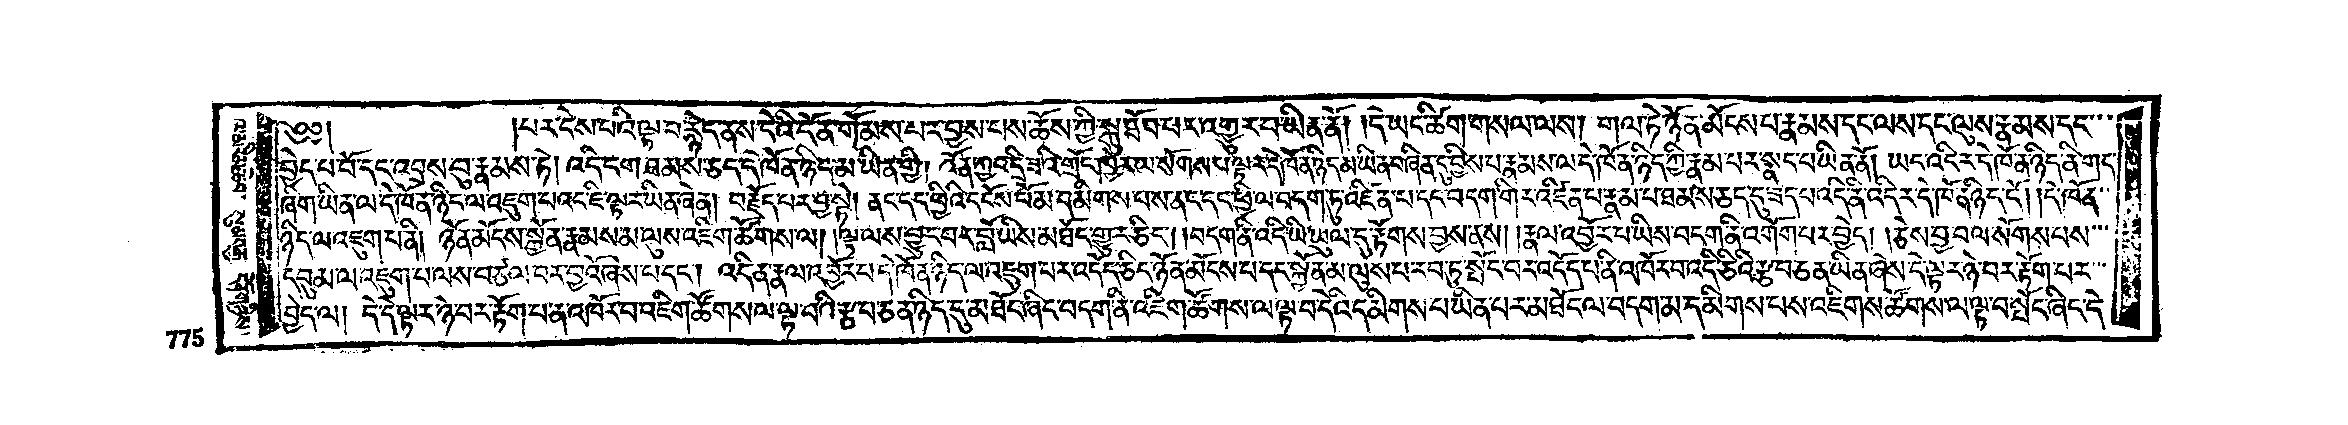༄༅། །པར་ངེས་པའི་ལྟ་བ་རྙེད་ནས་དེའི་དོན་གོམས་པར་བྱས་པས་ཆོས་ཀྱི་སྐུ་ཐོབ་པར་འགྱུར་བ་ཡིན་ནོ། །དེ་ཡང་ཚིག་གསལ་ལས། གལ་ཏེ་ཉོན་མོངས་པ་རྣམས་དང་ལས་དང་ལུས་རྣམས་དང་
བྱེད་པ་པོ་དང་འབྲས་བུ་རྣམས་ཏེ། འདི་དག་ཐམས་ཅད་དེ་ཁོ་ན་ཉིད་མ་ཡིན་གྱི། འོན་ཀྱང་དྲི་ཟའི་གྲོང་ཁྱེར་ལ་སོགས་པ་ལྟར་དེ་ཁོ་ན་ཉིད་མ་ཡིན་བཞིན་དུ་བྱིས་པ་རྣམས་ལ་དེ་ཁོ་ན་ཉིད་ཀྱི་རྣམ་པར་སྣང་བ་ཡིན་ན། ཡང་འདིར་དེ་ཁོ་ན་ཉིད་ནི་གང་
ཞིག་ཡིན་ལ་དེ་ཁོ་ན་ཉིད་ལ་འཇུག་པའང་ཇི་ལྟར་ཡིན་ཞེ་ན། བརྗོད་པར་བྱ་སྟེ། ནང་དང་ཕྱིའི་དངོས་པོ་མ་དམིགས་པས་ནང་དང་ཕྱི་ལ་བདག་ཏུ་འཛིན་པ་དང་བདག་གིར་འཛིན་པ་རྣམ་པ་ཐམས་ཅད་དུ་ཟད་པ་འདི་ནི་འདིར་དེ་ཁོ་ན་ཉིད་དོ། །དེ་ཁོ་ན་
ཉིད་ལ་འཇུག་པ་ནི། ཉོན་མོངས་སྐྱོན་རྣམས་མ་ལུས་འཇིག་ཚོགས་ལ། །ལྟ་ལས་བྱུང་བར་བློ་ཡིས་མཐོང་གྱུར་ཅིང་། །བདག་ནི་འདི་ཡི་ཡུལ་དུ་རྟོགས་བྱས་ནས། །རྣལ་འབྱོར་པ་ཡིས་བདག་ནི་འགོག་པར་བྱེད། །ཅེས་བྱ་བ་ལ་སོགས་པས་
དབུ་མ་ལ་འཇུག་པ་ལས་བཙལ་བར་བྱའོ་ཞེས་པ་དང་། འདི་ན་རྣལ་འབྱོར་པ་དེ་ཁོ་ན་ཉིད་ལ་འཇུག་པར་འདོད་ཅིང་ཉོན་མོངས་པ་དང་སྐྱོན་མ་ལུས་པ་རབ་ཏུ་སྤོང་བར་འདོད་པ་ནི་འཁོར་བ་འདི་ཅིའི་རྩ་བ་ཅན་ཡིན་ཞེས་དེ་ལྟར་ཉེ་བར་རྟོག་པར་
བྱེད་ལ། དེ་དེ་ལྟར་ཉེ་བར་རྟོག་པ་ན་འཁོར་བ་འཇིག་ཚོགས་ལ་ལྟ་བའི་རྩ་བ་ཅན་ཉིད་དུ་མཐོང་ཞིང་བདག་ནི་འཇིག་ཚོགས་ལ་ལྟ་བ་དེའི་དམིགས་པ་ཡིན་པར་མཐོང་ལ་བདག་མ་དམིགས་པས་འཇིགས་ཚོགས་ལ་ལྟ་བ་སྤོང་ཞིང་དེ་